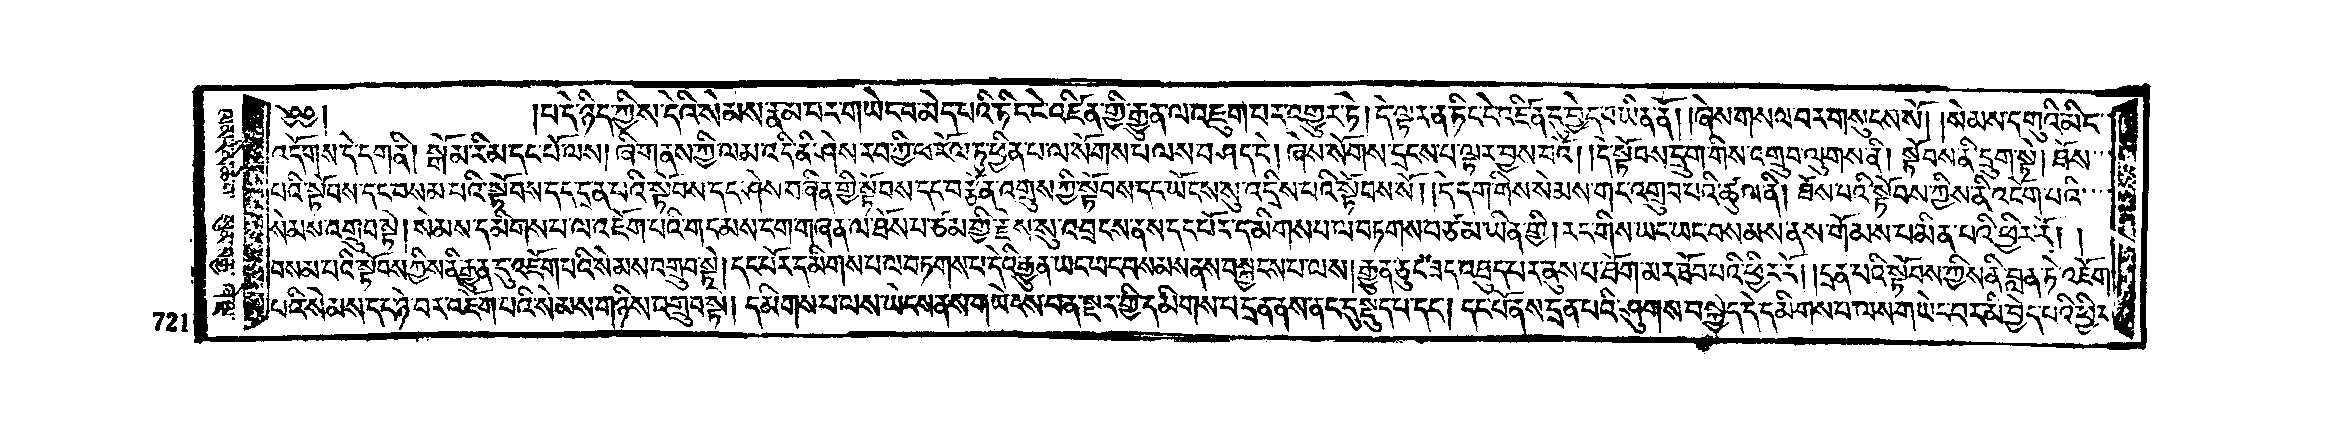༄༅། །བ་དེ་ཉིད་ཀྱིས་དེའི་སེམས་རྣམ་པར་གཡེང་བ་མེད་པའི་ཏིང་ངེ་འཛིན་གྱི་རྒྱུན་ལ་འཇུག་པར་འགྱུར་ཏེ། དེ་ལྟར་ན་ཏིང་ངེ་འཛིན་དུ་བྱེད་པ་ཡིན་ནོ། །ཞེས་གསལ་བར་གསུངས་སོ། །སེམས་དགུའི་མིང་
འདོགས་དེ་དག་ནི། སྒོམ་རིམ་དང་པོ་ལས། ཞི་གནས་ཀྱི་ལམ་འདི་ནི་ཤེས་རབ་ཀྱི་ཕ་རོལ་ཏུ་ཕྱིན་པ་ལ་སོགས་པ་ལས་བཤད་དེ། ཞེས་སོགས་དྲངས་པ་ལྟར་བྱས་པའོ། །དེ་སྟོབས་དྲུག་གིས་འགྲུབ་ལུགས་ནི། སྟོབས་ནི་དྲུག་སྟེ། ཐོས་
པའི་སྟོབས་དང་བསམ་པའི་སྟོབས་དང་དྲན་པའི་སྟོབས་དང་ཤེས་བཞིན་གྱི་སྟོབས་དང་བརྩོན་འགྲུས་ཀྱི་སྟོབས་དང་ཡོངས་སུ་འདྲིས་པའི་སྟོབས་སོ། །དེ་དག་གིས་སེམས་གང་འགྲུབ་པའི་ཚུལ་ནི། ཐོས་པའི་སྟོབས་ཀྱིས་ནི་འཇོག་པའི་
སེམས་འགྲུབ་སྟེ། སེམས་དམིགས་པ་ལ་འཇོག་པའི་གདམས་ངག་གཞན་ལ་ཐོས་པ་ཙམ་གྱི་རྗེས་སུ་འབྲངས་ནས་དང་པོར་དམིགས་པ་ལ་བཏགས་པ་ཙམ་ཡིན་གྱི། རང་གིས་ཡང་ཡང་བསམས་ནས་གོམས་པ་མིན་པའི་ཕྱིར་རོ། །
བསམ་པའི་སྟོབས་ཀྱིས་ནི་རྒྱུན་དུ་འཇོག་པའི་སེམས་འགྲུབ་སྟེ། དང་པོར་དམིགས་པ་ལ་བཏགས་པ་དེའི་རྒྱུན་ཡང་ཡང་བསམས་ནས་བསྐྱངས་པ་ལས། རྒྱུན་ཅུང་ཟད་འཐུད་པར་ནུས་པ་ཐོག་མར་ཐོབ་པའི་ཕྱིར་རོ། །དྲན་པའི་སྟོབས་ཀྱིས་ནི་བླན་ཏེ་འཇོག་
པའི་སེམས་དང་ཉེ་བར་འཇོག་པའི་སེམས་གཉིས་འགྲུབ་སྟེ། དམིགས་པ་ལས་ཡེངས་ནས་གཡེངས་པ་ན་སྔར་གྱི་དམིགས་པ་དྲན་ནས་ནང་དུ་སྡུད་པ་དང་། དང་པོ་ནས་དྲན་པའི་ཤུགས་བསྐྱེད་དེ་དམིགས་པ་ལས་གཡེང་བར་མི་བྱེད་པའི་ཕྱིར་